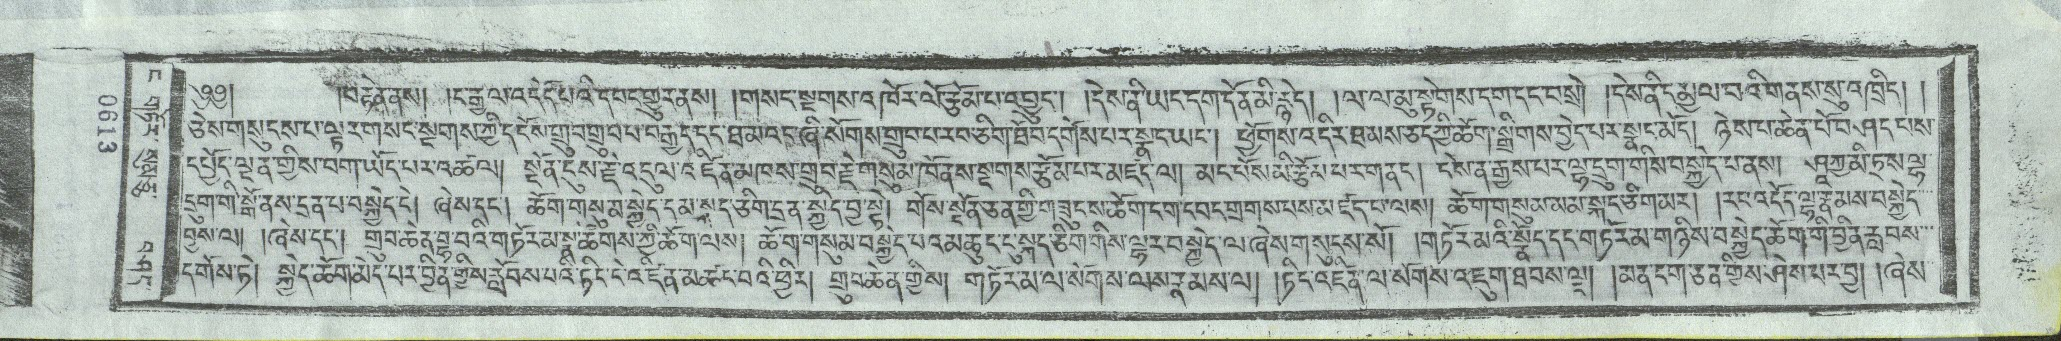༄༅། །བརྟེན་ནས། །བརྒྱལ་འདོད་པའི་དབང་གྱུར་ནས། །གསང་སྔགས་འཁོར་ལོ་རྩོམ་པ་འབྱུང་། །དེས་ནི་ཡང་དག་དོན་མི་རྙེད། །ལ་ལ་མུ་སྟེགས་དག་དང་བསྲེ། །དེས་ནི་དམྱལ་བའི་གནས་སུ་འཁྲིད། །
ཅེས་གསུངས་པ་ལྟར་གསང་སྔགས་ཀྱི་དངོས་གྲུབ་གྲུབ་པ་བརྒྱད་དང་ཐ་མའང་ཞི་སོགས་གྲུབ་པ་རབ་ཅིག་ཐོབ་དགོས་པར་སྣང་ཡང་། ཕྱོགས་འདིར་ཐམས་ཅད་ཀྱི་ཆོག་སྒྲིགས་བྱེད་པར་སྣང་མོད། ཉེས་པ་ཆེན་པོ་བཤད་བས་
དཔྱོད་ལྔན་གྱིས་བག་ཡོད་པར་འཚལ། སྔོན་དུས་རྗེ་འདུལ་འཛིན་མཁས་གྲུབ་རྗེ་གསུམ་ཁོ་ནས་སྔགས་རྩོམ་པར་མཛད་ལ། མང་པོས་མི་རྩོམ་པར་གནང་། དེས་ན་རྒྱས་པར་ལྷ་དྲུག་གིས་བསྐྱེད་པ་ནས། ཤཱཀྱ་མི་ཏྲས་ལྷ་
དྲུག་གིས་སྒོ་ནས་དྲན་པ་བསྐྱེད་དེ། ཞེས་དང་། ཆོག་གསུམ་སྐྱེད་དམ་སྐད་ཅིག་དྲན་སྐྱེད་བྱ་སྟེ། གོས་སྔོན་ཅན་གྱི་གཟུངས་ཆོག་ངག་དབང་གྲགས་པས་མཛད་པ་ལས། ཆོག་གསུམ་བམ་སྐད་ཅིག་མར། །རབ་འདོད་ལྷ་རྣམས་བསྐྱེད་
བྱས་ལ། །ཞེས་དང་། གྲུབ་ཆེན་བྷ་བའི་གཏོར་མ་སྣ་ཚོགས་ཀྱི་ཆོག་ལས། ཆོག་གསུམ་བསྐྱེད་པའམ་ཆུང་དུ་སྐད་ཅིག་གིས་ལྷར་བསྐྱེད་ལ་ཞེས་གསུངས་སོ། །གཏོར་མའི་སྣོད་དང་གཏོར་མ་གཉིས་བསྐྱེད་ཆོག་གི་བྱིན་རླབས་
དགོས་ཏེ། སྐྱེད་ཆོག་མེད་པར་བྱིན་གྱིས་རློབས་པའི་ཏིང་ངེ་འཛིན་མཚང་བའི་ཕྱིར། གྲུབ་ཆེན་གྱིས། གཏོར་མ་ལ་སོགས་ལས་རྣམས་ལ། །ཏིང་འཛིན་ལ་སོགས་འཇུག་ཐབས་ལྔ། །མན་ངག་ཅན་གྱིས་ཤེས་པར་བྱ། །ཞེས་